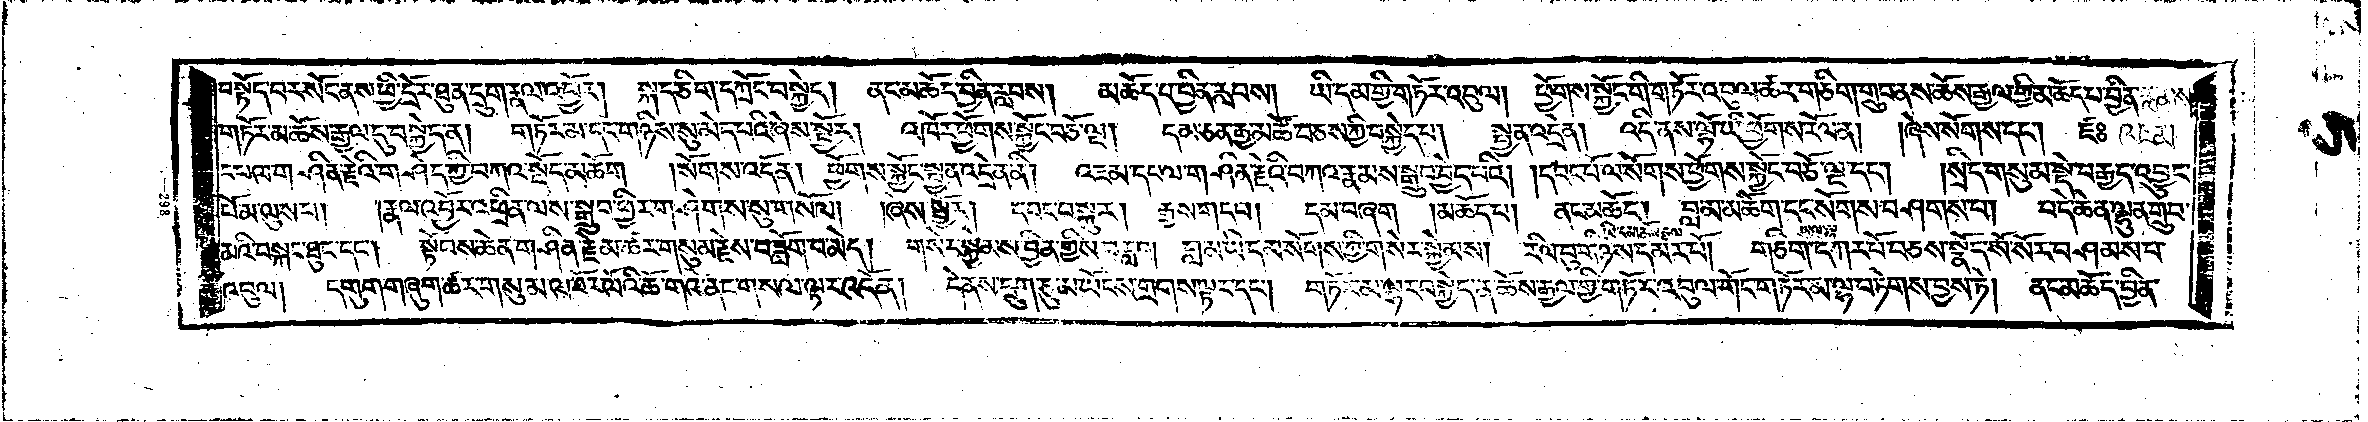བསྟོད་པར་སོང་ནས་ཕྱི་དྲོར་ཐུན་དྲུག་རྣལ་འབྱོར། སྐད་ཅིག་དཀྲོང་བསྐྱེད། ནང་མཆོད་བྱིན་རླབས། མཆོད་པ་བྱིན་རླབས། ཡི་དམ་གྱི་གཏོར་འབུལ། ཕྱོགས་སྐྱོང་གི་གཏོར་འབུལ་ཚང་གཅིག་གྲུབ་ནས་ཆོས་རྒྱལ་གྱི་མཆོད་པ་བྱིན་རླབས་
གཏོར་མཆོས་རྒྱལ་དུ་བསྐྱེད་ན། གཏོར་མ་དང་གཉིས་སུ་མེད་པའི་ཞེས་སྦྱོར། འཁོར་ཕྱོགས་སྐྱོང་བཅོ་ལྔ། དམ་ཅན་རྒྱ་མཚོ་བཅས་ཀྱི་བསྐྱེད་པ། སྤྱན་འདྲེན། འདི་ནས་ལྷོ་ཡི་ཕྱོགས་རོལ་ན། །ཞེས་སོགས་དང་། ཛཿའཇམ་
དཔལ་གཤིན་རྗེའི་གཤེད་ཀྱི་བཀའ་སྡོད་མཆོག །སོགས་འདོན། ཕྱོགས་སྐྱོང་སྤྱན་འདྲེན་ནི། འཇམ་དཔལ་གཤིན་རྗེའི་བཀའ་རྣམས་སྒྲུབ་བྱེད་པའི། །དབང་པོ་ལ་སོགས་ཕྱོགས་སྐྱོང་བཅོ་ལྔ་པ་དང་། །སྲིད་གསུམ་སྡེ་བརྒྱད་འབྱུང་
པོ་མ་ལུས་པ། །རྣལ་འབྱོར་འཕྲིན་ལས་སྒྲུབ་ཕྱིར་གཤེགས་སུ་གསོལ། །ཞེས་སྦྱོར། དབང་བསྐུར། རྒྱས་གདབ། དམ་བཞག །མཆོད་པ། ནང་མཆོད། བླ་མ་མཆོག་དང་སོགས་བཤགས་པ། བདེ་ཆེན་ལྷུན་གྲུབ་
མའི་བསྐང་ཐུང་དང་། སྟོབས་ཆེན་གཤིན་རྗེ་མཚར་གསུམ་རྗེས་བཟློག་པ་མེད། གསེར་སྐྱེམས་བྱིན་གྱིས་བརླབ། བླ་མ་ཡི་དམ་སོགས་ཀྱི་གསེར་སྐྱེམས། རིལ་བུ་གཉིས་དམར་པོ། གཅིག་དཀར་པོ་བཅས་སྣོད་སོ་སོར་བཤམས་པ་
འབུལ། དགུག་གཞུག་ཚར་གསུམ་ལ་ཐོར་ལོའི་ཆོ་གའི་ནང་གསལ་ལྟར་འདོན། དེ་ནས་དྲུག་ཅུ་མ་ཡོངས་གྲགས་ལྟར་དང་། གཏོར་མ་ལྟར་བསྐྱེད་ན་ཆོས་རྒྱལ་གྱི་གཏོར་འབུལ་གོང་གཏོར་མ་ལྷ་བཏེགས་བྱས་ཏེ། ནང་མཆོད་བྱིན་